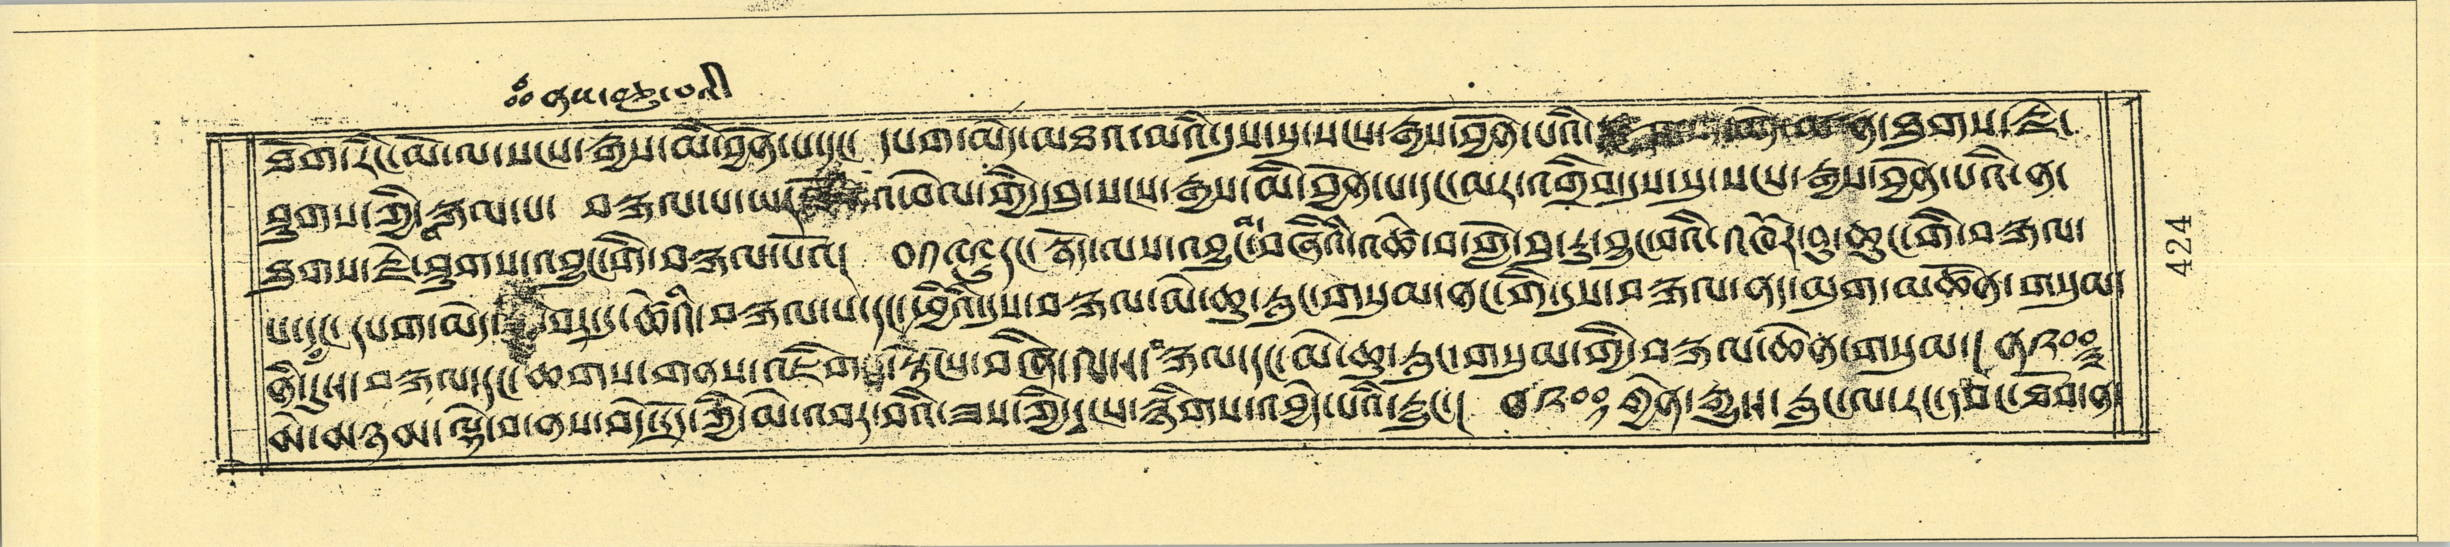ཐོག་རིང་མོ་ལ་སངས་རྒྱས་མི་བྱོན་པ་དང་། དཔག་མེད་མཐའ་མའི་དུས་སུ་སངས་རྒྱས་བྱོན་པས་ན་ཐུགས་རྗེ་
ཤུགས་ཀྱི་བསྐལ་པ། བསྐལ་པ་ཡར་འཕེལ་གྱི་དབུ་སངས་རྒྱས་མི་བྱོན་པ་དང་མར་འགྲིབ་དུས་སུ་སངས་རྒྱས་བྱོན་པས་ནས་
ཐུགས་རྗེ་ཤུགས་འབྱུང་གི་བསྐལ་པའོ། བ༡༩༩།༦དང་། སྣོད་ལས་འབྱུང་བ་བཞི་ཡི་འཚེ་བ་གློ་བུར་དུ་བྱུང་བས་༼འཁོར་བུ་ཆུང༽གི་བསྐལ་
པ་དང་། ཆགས་གནས་འཇིག་སྟོང་༼བཞི་ལས༽བསྐལ་དང་མེ་ཆུ་རླུང་གསུམ་གྱི་བསྐལ་ཆེན་གསུམ་ན༢༠༠།༣
༼མེ་མཉམ༽ལྟེ་བ་ནས་བདེ་དྲོད་ཀྱི་མེ་འབར་བའི་ཟས་ཀྱི་དྭངས་སྙིགས་འབྱེད་པའི་རླུང་བ༢༠༠༡།༡༼གྱེན་རྒྱུས་༽རླུང་ལ་རང་དབང་ཐོབ་ན་